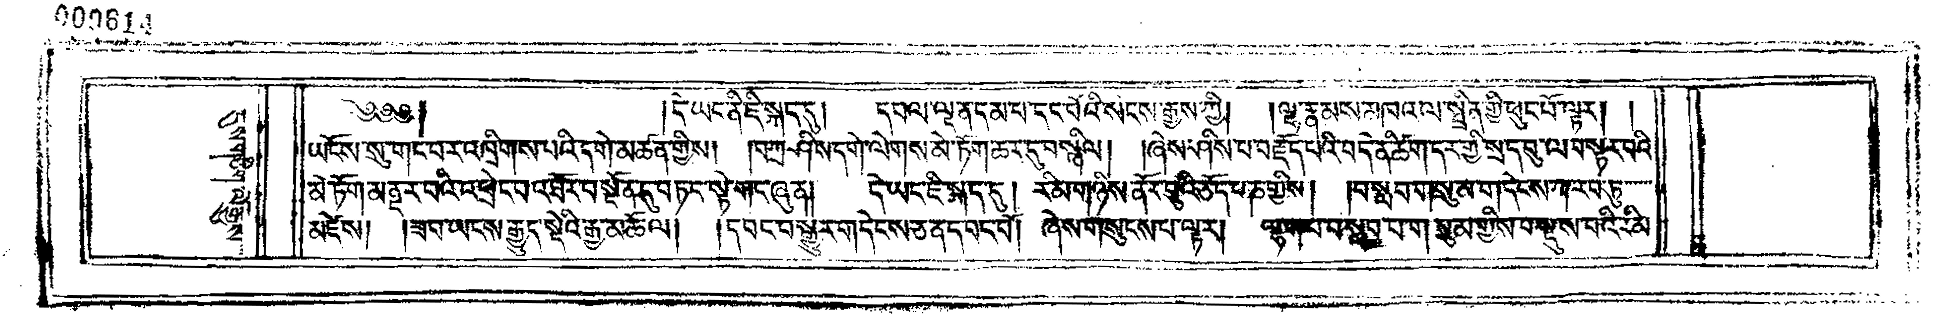༄༅༅། །དེ་ཡང་ནི་ཇི་སྐད་དུ། དཔལ་ལྡན་དམ་པ་དང་པོའི་སངས་རྒྱས་ཀྱི། །ལྷ་རྣམས་མཁའ་ལ་སྤྲིན་གྱི་ཕུང་པོ་ལྟར། །
ཡོངས་སུ་གང་བར་འཁྲིགས་པའི་དགེ་མཚན་གྱིས། །བཀྲ་ཤིས་དགེ་ལེགས་མེ་ཏོག་ཆར་དུ་བསྙིལ། །ཞེས་ཤིས་པ་བརྗོད་པའི་བདེན་ཚིག་དར་གྱི་སྲད་བུ་ལ་བསྟར་བའི་
མེ་ཏོག་མནྔ་ར་བའི་འཕྲེང་བ་འཐོར་བ་སྔོན་དུ་བཏང་སྟེ་གང་ཞུ་ན། དེ་ཡང་ཇི་སྐད་དུ། རིམ་གཉིས་ནོར་བུའི་ཅོད་པཎ་གྱིས། །བསླབ་གསུམ་གདེངས་ཀ་རབ་ཏུ་
མཛེས༑ ༑ཟབ་ཡངས་རྒྱུད་སྡེའི་རྒྱ་མཚོ་ལ། །དབང་བསྒྱུར་གདེངས་ཅན་དབང་པོ། ཞེས་གསུངས་པ་ལྟར། ལྷག་པ་བསླབ་པ་གསུམ་གྱིས་བསྡུས་པའི་རིམ་